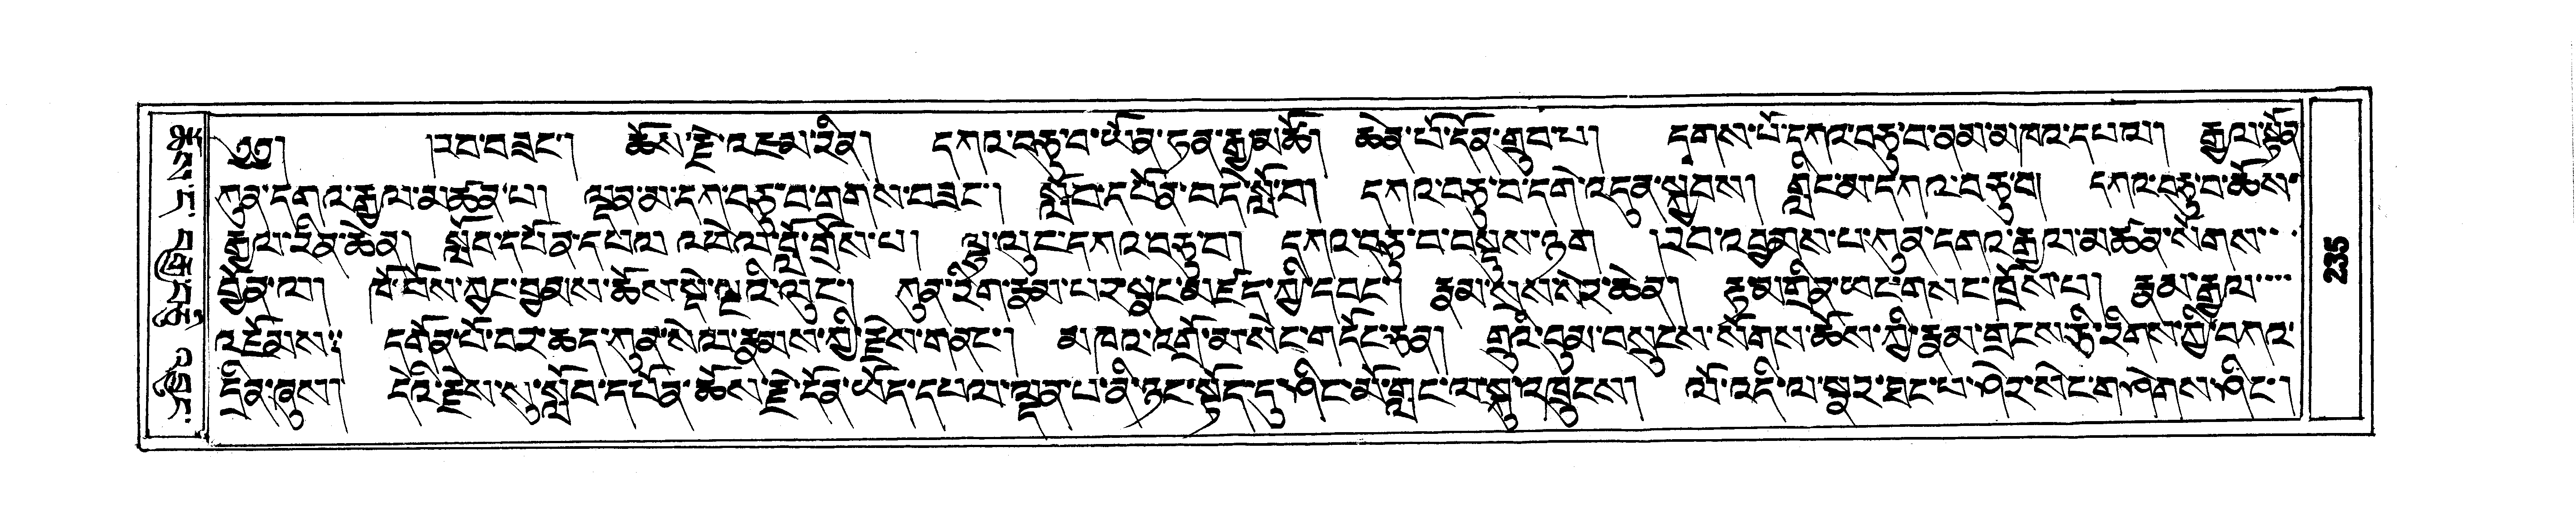༄༅། །རབ་བཟང་། ཆོས་རྗེ་འཇམ་རིན། དཀའ་བཅུ་བ་ཡོན་ཏན་རྒྱ་མཚོ། ཆེན་པོ་དོན་གྲུབ་པ། དྭགས་པོ་དཀའ་བཅུ་བ་ནམ་མཁའ་དཔལ། རྒྱལ་སྟོན་
ཀུན་དགའ་རྒྱལ་མཚན་པ། ལྡན་མ་དཀ་བཅུ་བ་གྲགས་བཟང་། སློབ་དཔོན་བདེ་སློ་བ། དཀའ་བཅུ་བ་དགེ་འདུན་སྐྱབས། གླིང་མ་དཀའ་བཅུ་བ། དཀའ་བཅུ་བ་ཆོས་
རྒྱལ་རིན་ཆེན། སློབ་དཔོན་དཔལ་འཕེལ་བློ་གྲོས་པ། ལྷ་ལུང་དཀའ་བཅུ་བ། དཀའ་བཅུ་བ་བསྡུས་ཉག །རབ་འབྱམས་པ་ཀུན་དགའ་རྒྱལ་མཚན་སོགས་
བྱོན་ལ། ཁོ་བོས་ཀྱང་བྱམས་ཆོས་སྡེ་ལྔའི་ལུང་། ཀུན་རིག་རྣམ་པར་སྣང་མཛད་ཀྱི་དབང་། རྣམ་སྲས་སེར་ཆེན། རྟ་མགྲིན་ཡང་གསང་ཁྲོས་པ། རྣམ་རྒྱལ་
འཇོམས༑ དགོན་པོ་བར་ཆད་ཀུན་སེལ་རྣམས་ཀྱི་རྗེས་གནང་། མཁའ་འགྲོ་མ་སེང་གདོང་ཅན། གྲུའི་བུམ་བསྲུངས་སོགས་ཆོས་ཀྱི་རྣམ་གྲངས་ཅི་རིགས་ཀྱི་བཀའ་
དྲིན་ཞུས། དེའི་རྗེས་སུ་སློབ་དཔོན་ཆོས་རྗེ་དོན་ཡོད་དཔལ་ལྡན་པ་ནི་ཉང་སྟོད་དུ་ཤིང་མོ་གླང་ལ་སྐུ་འཁྲུངས། ལོ་འདི་ལ་སྣར་ཐང་པ་ཤེར་སེང་གཤེགས་ཤིང་།